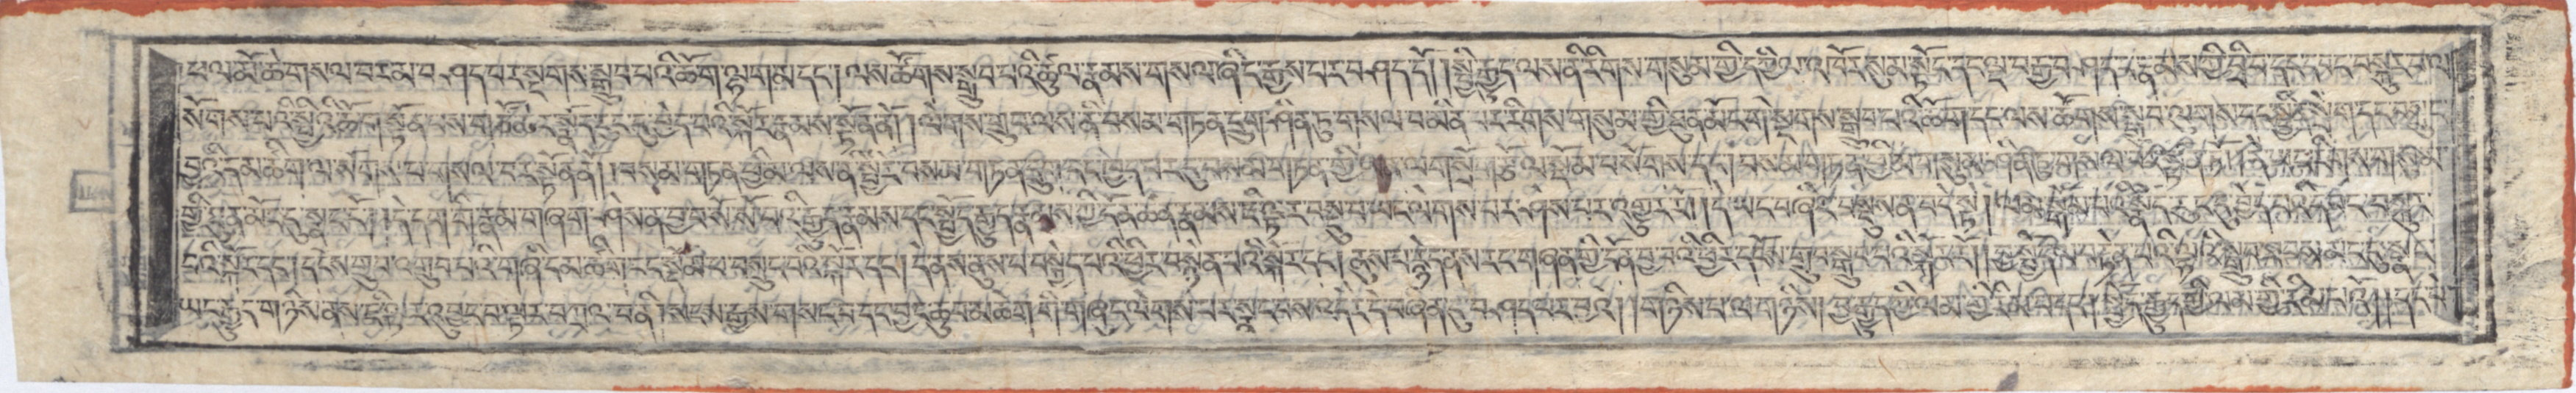ཕལ་མོ་ཆེ་གསལ་བར་མ་བཤད་པར་སྔགས་སྒྲུབ་པའི་ཆོ་ག་ལྷག་མ་དང་། ལས་ཚོགས་སྒྲུབ་པའི་ཚུལ་རྣམས་གསལ་ཞིང་རྒྱས་པར་བཤད་དོ། །སྤྱི་རྒྱུད་ལས་ནི་རིགས་གསུམ་གྱི་དཀྱིལ་འཁོར་སུམ་སྟོང་དང་ལྔ་བརྒྱ་བཤད་པ་རྣམས་ཀྱི་བྲི་བ་དང་དབང་བསྐུར་བ་ལ་
སོགས་པའི་སྤྱིའི་ཆོ་ག་སྟོན་པས་གཙོ་ཆེར་སྣོད་རུང་དུ་བྱེད་པའི་སྐོར་རྣམས་སྟོན་ནོ། །ལེགས་གྲུབ་ལས་ནི་བསམ་གཏན་དྲུག་ཤིན་ཏུ་གསལ་བ་མིན་པར་རིགས་གསུམ་གྱི་ཐུན་མོང་གི་སྔགས་སྒྲུབ་པའི་ཆོ་ག་དང་ལས་ཚོགས་སྒྲུབ་ལུགས་དང་སྦྱིན་སྲེག་དང་བསྲུང་
བྱའི་དམ་ཚིག་ལ་སོགས་པ་གསལ་བར་སྟོན་ནོ། །བསམ་གཏན་ཕྱི་མ་ལས་ནི་སྤྱིར་བསམ་གཏན་དྲུག་དང་ཁྱད་པར་དུ་བསམ་གཏན་གྱི་ཡན་ལག་སྲོག་རྩོལ་སྡོམ་པ་སོགས་དང་། བསམ་གཏན་ཕྱི་མ་གསུམ་ཤིན་ཏུ་གསལ་བར་སྟོན་ཏོ། །དེ་ཡང་རིགས་གསུམ་
གྱི་ཐུན་མོང་དུ་སྣང་ངོ། །དེ་དག་གི་རྣམ་གཞག་ཤེས་ན་བྱ་བ་སོ་སོ་བའི་རྒྱུད་རྣམས་དང་སྤྱོད་རྒྱུད་རྣམས་ཀྱི་དོན་ཚན་རྣམས་ཇི་ལྟར་བསྡུ་བ་ཡང་ལེགས་པར་ཤེས་པར་འགྱུར་རོ། །དེ་ཡང་བཞིར་བསྡུས་ན་བདེ་སྟེ། ལམ་སྒོམ་པའི་སྣོད་རུང་དུ་བྱེད་པའི་དབང་བསྐུར་
བའི་སྐོར་དང་། དངོས་གྲུབ་འགྲུབ་པའི་གཞི་དམ་ཚིག་དང་སྡོམ་པ་བསྲུང་བའི་སྐོར་དང་། དེ་ནས་ནུས་པ་བསྐྱེད་པའི་ཕྱིར་བསྙེན་པའི་སྐོར་དང་། ནུས་པ་རྙེད་ནས་རང་གཞན་གྱི་དོན་བྱ་བའི་༺ཕྱིར་དངོས་གྲུབ་སྒྲུབ་པའི་སྐོར་རོ། །བྱ་སྤྱོད་ལ་བརྟེན་པའི་ལྷའི་སྒྲུབ་ཐབས་མང་དུ་སྣང་
ཡང་རྒྱུད་གཉིས་ནས་ཇི་ལྟར་འབྱུང་བ་ལྟར་བཀྲལ་བ་ནི། སངས་རྒྱས་གསང་བ་དང་བྱང་ཆུབ་མཆོག་གི་གཞུང་ལེགས་པར་སྣང་བས་འདིར་དེ་བཞིན་དུ་བཤད་པར་བྱའོ། །གཉིས་པ་ལ་གཉིས། བྱ་རྒྱུད་ཀྱི་ལམ་གྱི་རིམ་པ་དང་། སྤྱོད་རྒྱུད་ཀྱི་ལམ་གྱི་རིམ་པའོ། །དང་པོ་